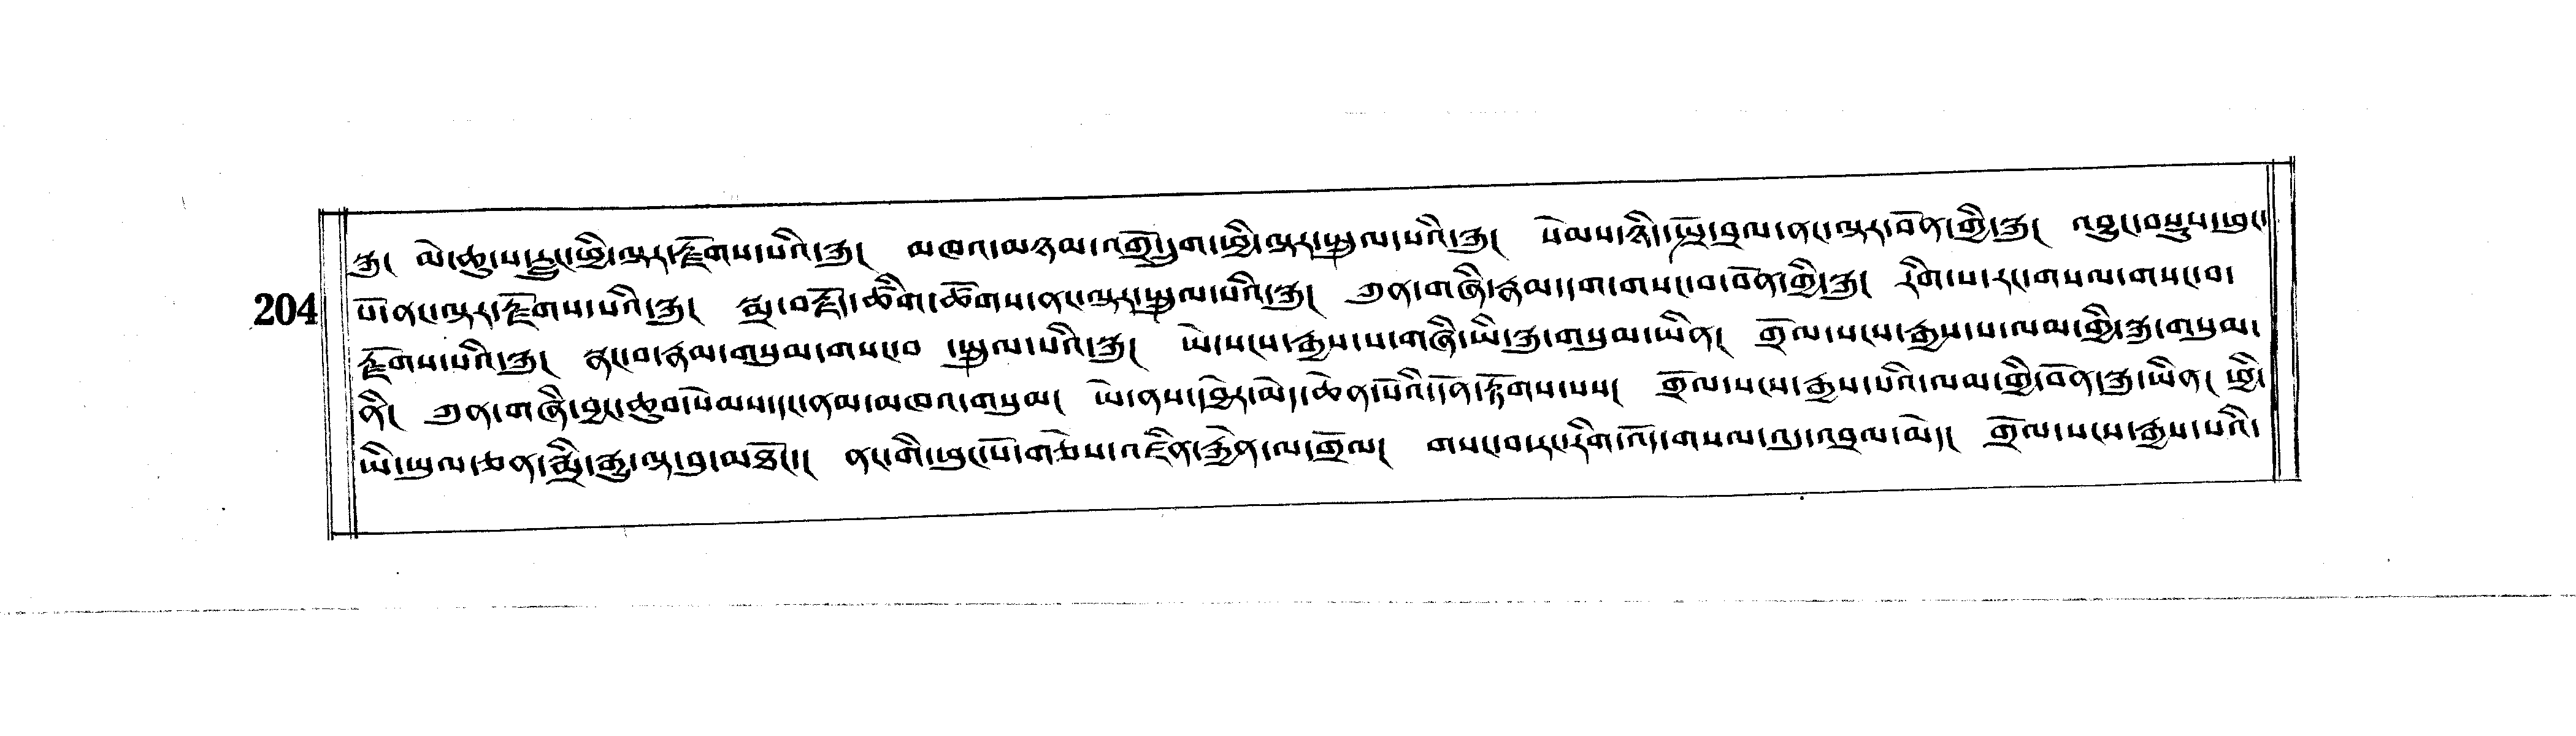སྐུ། མེ་ཆུ་ས་རླུང་ཕྱི་ལྟར་རྫོགས་པའི་སྐུ། མཁའ་མཉམ་འགྲོ་དྲུག་ཕྱི་ལྟར་སྤྲུལ་པའི་སྐུ། སེམས་ཉིད་སྤྲོས་བྲལ་ནང་ལྟར་བོན་གྱི་སྐུ། འབྱུང་བསྡུས་ཕུང་
པོ་ནང་ལྟར་རྫོགས་པའི་སྐུ། སྨྲ་བརྗོད་ཚིག་ཚོགས་ནང་ལྟར་སྤྲུལ་པའི་སྐུ། ཀུན་གཞི་རྣམ་དག་གསང་བ་བོན་གྱི་སྐུ། རིག་པ་རང་གསལ་གསང་བ་
རྫོགས་པའི་སྐུ། སྣང་བ་རྣམ་གསུམ་གསང་བ། སྤྲུལ་པའི་སྐུ། ཡེ་སངས་རྒྱས་པ་གཞི་ཡི་སྐུ་གསུམ་ཡིན། གྲོལ་སངས་རྒྱས་པ་ལམ་གྱི་སྐུ་གསུམ་
ནི། ཀུན་གཞི་བྱང་ཆུབ་སེམས་དང་ནམ་མཁའ་གསུམ། ཡེ་ནས་དབྱེར་མེད་ཆེན་པོའི་དོན་རྟོགས་པས། གྲོལ་སངས་རྒྱས་པའི་ལམ་གྱི་བོན་སྐུ་ཡིན། ཕྱི་
ཡི་ཡུལ་ཅན་སྨྲིག་སྒྱུ་ལྟ་བུར་མཐོང་། ནང་གི་ཕུང་པོ་རྐྱེན་འཛིན་རྐྱེན་ལས་གྲོལ། གསང་བ་རང་རིག་འོད་གསལ་འདུ་འབྲལ་མེད། གྲོལ་སངས་རྒྱས་པའི་